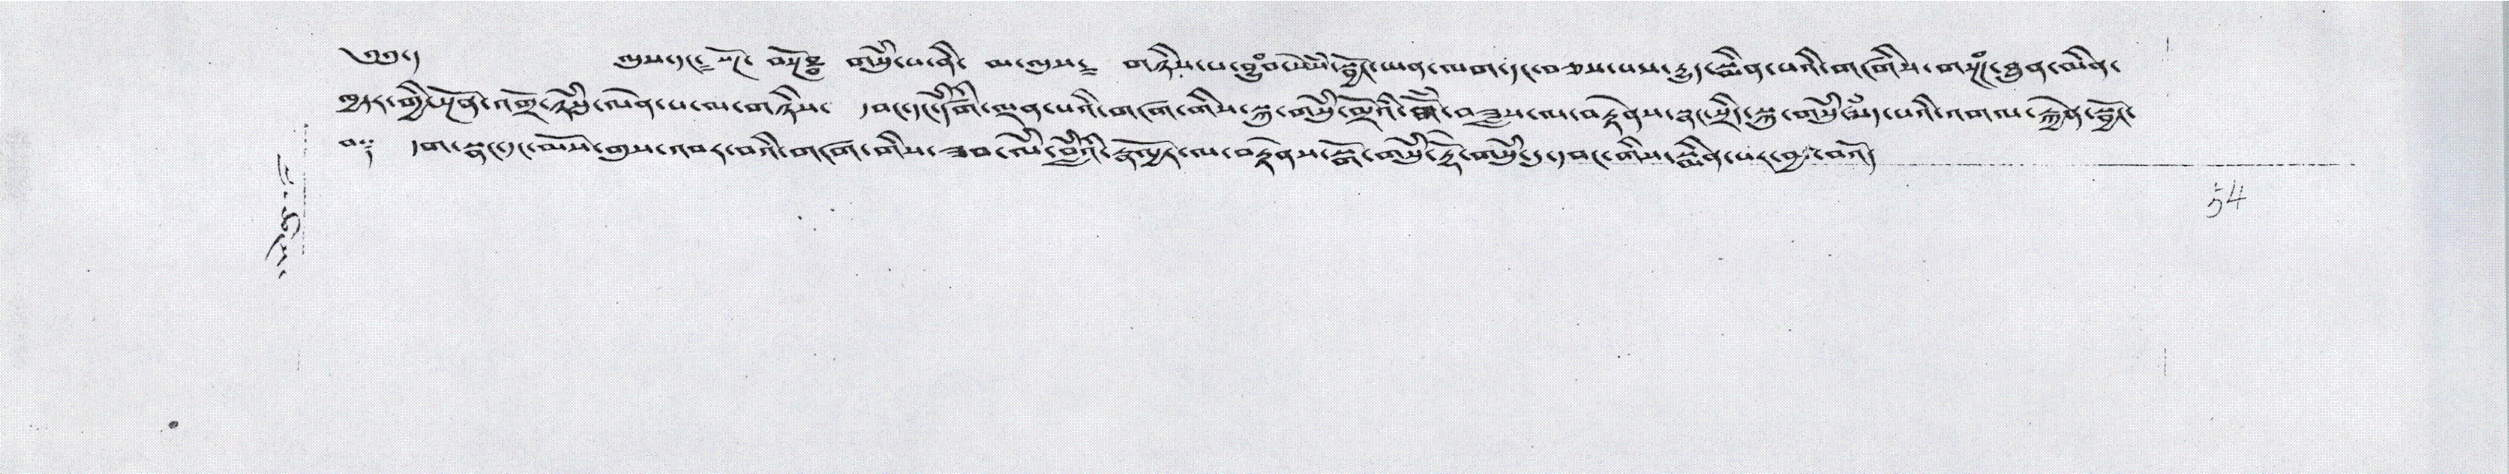ལུས་དང་། སོགས་བསྔོཿ གསུམ་པ་ནི། མ་ལུས༑ གཉིས་པ་བྱང་ཆུབ་སེམས་སྦྱོང་ཡན་ལག་དང་བཅས་པས་རྒྱུད་སྨིན་པའི་གང་ཟག་གིས་གསང་སྔགས་ཐུན་མིན་
ཁྱད་པར་གྱི་སྔོན་འགྲོ་ཉམས་སུ་ལེན་པ་ལ་གཉིས། དབང་དང་དམ་ཚིག་ལྡན་པའི་གང་ཟག་གིས་སྐུ་གསུམ་མཁའ་འགྲོའི་བསྒོམ་བཟླས་ལ་བརྟེན་ནས་སྣང་སྲིད་སྐུ་གསུམ་དུ་སད་པའི་འགལ་རྐྱེན་སྦྱོང་
བ། དག་སྣང་དང་མོས་གུས་འབར་བའི་གང་ཟག་གིས་ཟབ་ལམ་བླ་མའི་རྣལ་འབྱོར་ལ་བརྟེན་ནས་སྒོ་གསུམ་རྡོ་རྗེ་གསུམ་དུ་དབང་གིས་སྨིན་པར་བྱ་བའོ། །